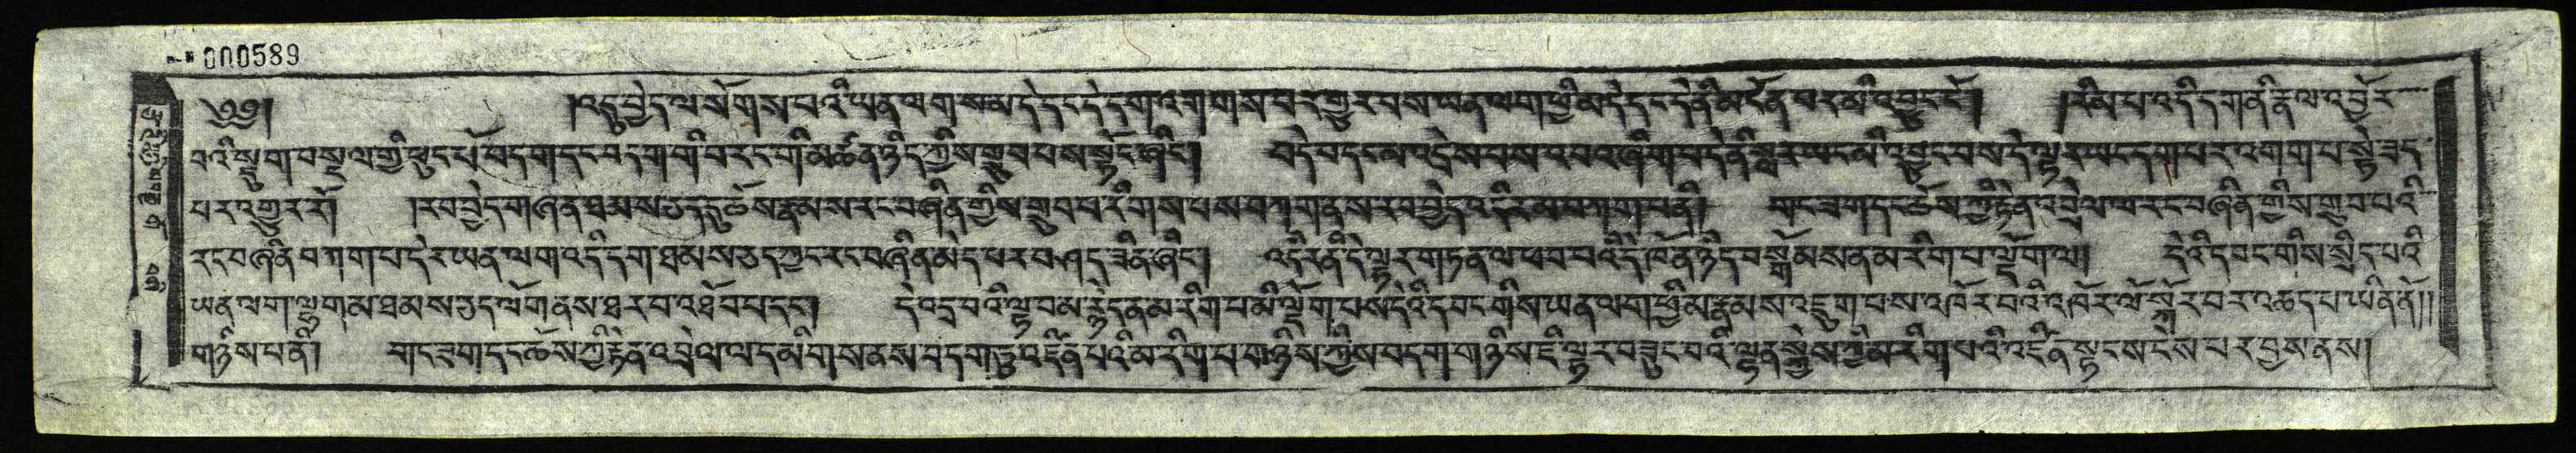༄༅། །འདུ་བྱེད་ལ་སོགས་པའི་ཡན་ལག་ས་མ་དེ་དང་དེ་དག་འགགས་བར་གྱུར་པས་ཡན་ལག་ཕྱི་མ་དེ་དང་དེ་ནི་མངོན་པར་མི་འབྱུང་ངོ། །རིམ་པ་འདི་དག་ནི་རྣལ་འབྱོར་
བའི་སྡུག་བསྔལ་གྱི་ཕུང་པོ་བདག་དང་བདག་གི་བ་རང་གི་མཚན་ཉིད་ཀྱིས་གྲུབ་པས་སྟོང་ཞིང་། བདེ་བ་དང་མ་འདྲེས་པས་འབའ་ཞིག་པ་དེ་ནི་སླར་ཡང་མི་འབྱུང་བས་དེ་ལྟར་ཡང་དག་པར་འགག་པ་སྟེ་ཟད་
པར་འགྱུར་རོ། །རབ་བྱེད་གཞན་ཐམས་ཅད་དུ་ཆོས་རྣམས་རང་བཞིན་གྱིས་གྲུབ་པ་རིགས་པས་བཀག་ནས་རབ་བྱེད་འདིར་མ་བཀག་པ་ནི། གང་ཟག་དང་ཆོས་ཀྱི་རྟེན་འབྲེལ་ལ་རང་བཞིན་གྱིས་གྲུབ་པའི་
རང་བཞིན་བཀག་པ་དེར་ཡན་ལག་འདི་དག་ཐམས་ཅད་ཀྱང་རང་བཞིན་མེད་པར་བཤད་ཟིན་ཞིང་། འདིར་ནི་དེ་ལྟར་གཏན་ལ་ཕབ་པའི་དེ་ཁོ་ན་ཉིད་བསྒོམས་ན་མ་རིག་པ་ལྡོག་ལ། དེའི་དབང་གིས་སྲིད་པའི་
ཡན་ལག་ལྷག་མ་ཐམས་ཅད་ལོག་ནས་ཐར་པ་འཐོབ་པ་དང་། དེ་འདྲ་བའི་ལྷ་བ་མ་རྙེད་ན་མ་རིག་པ་མི་ལྡོག་པས་དེའི་དབང་གིས་ཡན་ལག་ཕྱི་མ་རྣམས་འཇུག་པས་འཁོར་བའི་འཁོར་ལོ་སྐོར་བར་འཆད་པ་ཡིན་ནོ།།
གཉིས་པ་ནི། གང་ཟག་དང་ཆོས་ཀྱི་རྟེན་འབྲེལ་ལ་དམིགས་ནས་བདག་ཏུ་འཛིན་པའི་མ་རིག་པ་གཉིས་ཀྱིས་བདག་གཉིས་ཇི་ལྟར་བཟུང་བའི་ལྷན་སྐྱེས་ཀྱི་མ་རིག་པའི་འཛིན་སྟངས་ངེས་པར་བྱས་ནས།